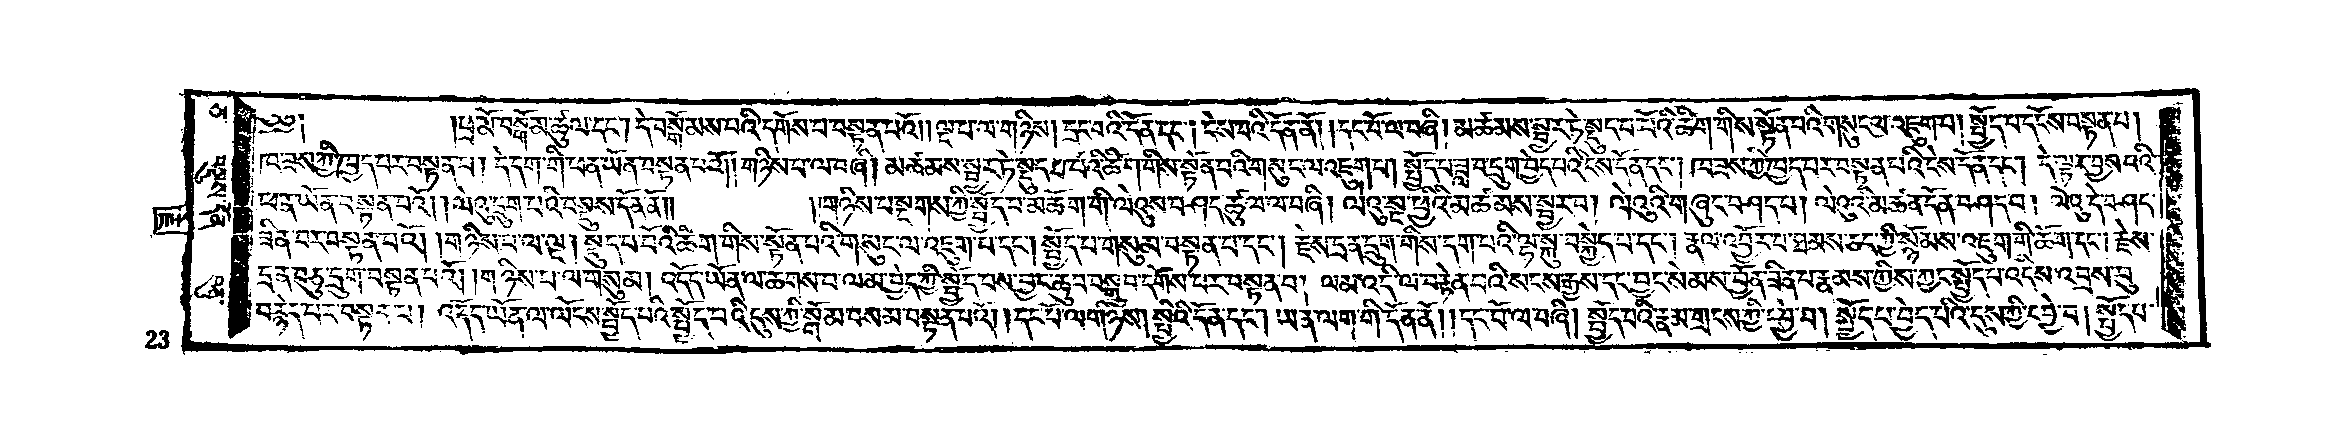༄༅། །ཕྲ་མོ་བསྒོམ་ཚུལ་དང་། དེ་བསྒོམས་པའི་དགོས་པ་བསྟན་པའོ། །ལྔ་པ་ལ་གཉིས། དྲང་བའི་དོན་དང་། ངེས་པའི་དོན་ནོ། །དང་པོ་ལ་བཞི། མཚམས་སྦྱར་ཏེ་སྡུད་པ་པོའི་ཚིག་གིས་སྟོན་པའི་གསུང་ལ་འཇུག་པ། སྤྱོད་པ་དངོས་བསྟན་པ།
ཁ་ཟས་ཀྱི་ཁྱད་པར་བསྟན་པ། དེ་དག་གི་ཕན་ཡོན་བསྟན་པའོ། །གཉིས་པ་ལ་བཞི། མཚམས་སྦྱར་ཏེ་སྡུད་པ་པོའི་ཚིག་གིས་སྟོན་པའི་གསུང་ལ་འཇུག་པ། སྤྱོད་པ་ཟླ་བ་དྲུག་བྱེད་པའི་ངེས་དོན་དང་། ཁ་ཟས་ཀྱི་ཁྱད་པར་བསྟན་པའི་ངེས་དོན་དང་། དེ་ལྟར་བྱས་པའི་
ཕན་ཡོན་བསྟན་པའོ། །ལེའུ་དྲུག་པའི་བསྡུས་དོན་ནོ།། །།གཉིས་པ་སྔགས་ཀྱི་སྤྱོད་པ་མཆོག་གི་ལེའུས་བཤད་ཚུལ་ལ་བཞི། ལེའུ་སྔ་ཕྱིའི་མཚམས་སྦྱར་བ། ལེའུའི་གཞུང་བཤད་པ། ལེའུའི་མཚན་དོན་བཤད་པ། ལེའུ་དེ་བཤད་
ཟིན་པར་བསྟན་པའོ། །གཉིས་པ་ལ་ལྔ། སྡུད་པ་པོའི་ཚིག་གིས་སྟོན་པའི་གསུང་ལ་འཇུག་པ་དང་། སྤྱོད་པ་གསུམ་བསྟན་པ་དང་། རྗེས་དྲན་དྲུག་གིས་དག་པའི་ལྷ་སྐུ་བསྐྱེད་པ་དང་། རྣལ་འབྱོར་པ་ཐམས་ཅད་ཀྱི་སྙོམས་འཇུག་གི་ཆོ་ག་དང་། རྗེས་
དྲན་བཅུ་དྲུག་བསྟན་པའོ། །གཉིས་པ་ལ་གསུམ། འདོད་ཡོན་ལ་ཆགས་པ་ལམ་བྱེད་ཀྱི་སྤྱོད་པས་བྱང་ཆུབ་བསྒྲུབ་དགོས་པར་བསྟན་པ། ལམ་འདི་ལ་བརྟེན་པའི་སངས་རྒྱས་དང་བྱང་སེམས་བྱོན་ཟིན་པ་རྣམས་ཀྱིས་ཀྱང་སྤྱོད་པ་འདིས་འབྲས་བུ་
བརྙེད་པར་བསྟན་པ། འདོད་ཡོན་ལ་ལོངས་སྤྱོད་པའི་སྤྱོད་པའི་དུས་ཀྱི་སྒོམ་བསམ་བསྟན་པའོ། །དང་པོ་ལ་གཉིས། སྤྱིའི་དོན་དང་། ཡན་ལག་གི་དོན་ནོ། །དང་པོ་ལ་བཞི། སྤྱོད་པའི་རྣམ་གྲངས་ཀྱི་དབྱེ་བ། སྤྱོད་པ་བྱེད་པའི་དུས་ཀྱི་དབྱེ་བ། སྤྱོད་པ་